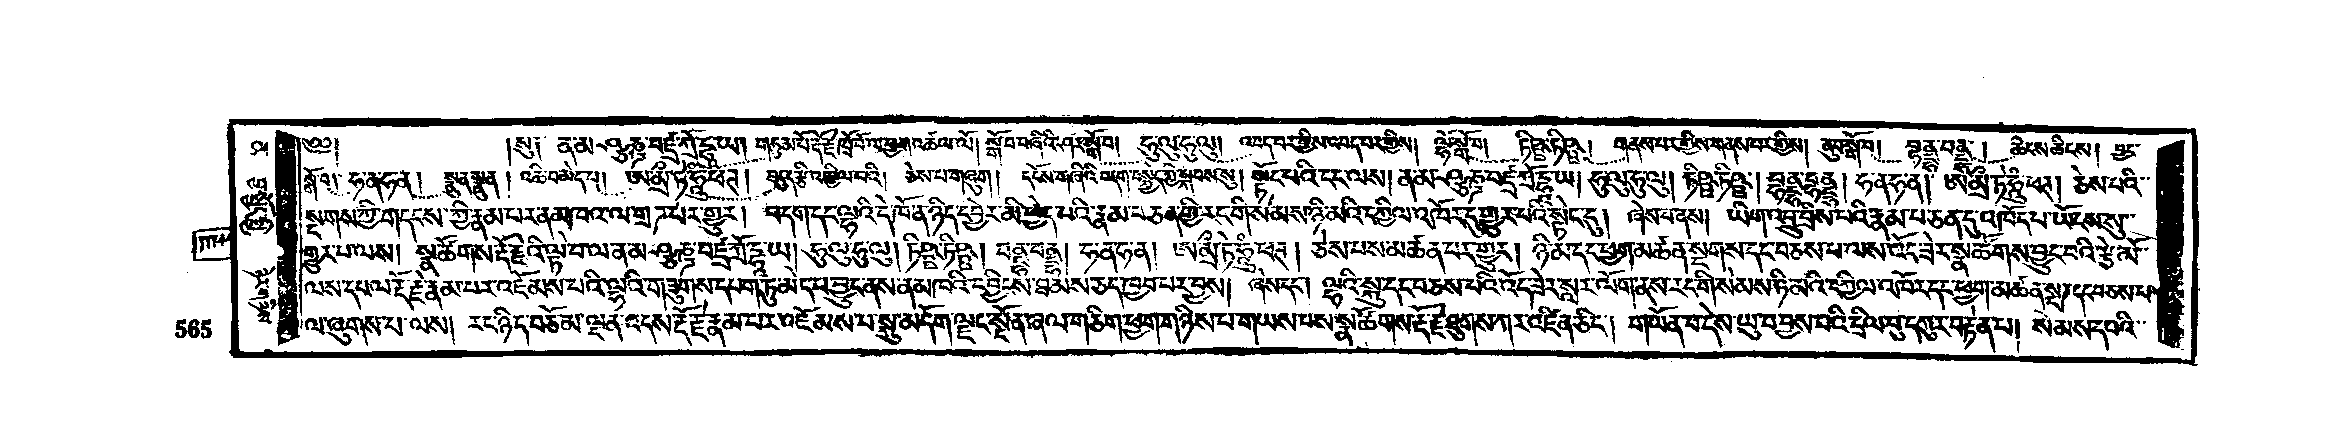༄༅། །སུ། ན་མ་ཤྩཎྜ་བཛྲ་ཀྲོ་དྷཱ་ཡ། གཏུམ་པོ་རྡོ་རྗེ་ཁྲོ་བོ་ལ་ཕྱག་འཚལ་ལོ། སྒོ་བ་བཞིའི་ཤར་སྒོ་བ།  ཧུ་ལུ་ཧུ་ལུ། འབད་པར་གྱིས་འབད་པར་གྱིས། ལྷོ་སྒོ་བ།  ཏིཥཊཿཨ་ཏི་ཥཊཿཨ། གནས་པར་གྱིས་གནས་པར་གྱིས། ནུབ་སྒོ་བ།  བྷ་ནྡྷ་བནྡྷ། ཆིངས་ཆིངས། བྱང་
སྒོ་བ། ཧ་ན་ཧ་ན། སྣུན་སྣུན། འཆི་བ་མེད་པ།  ཨ་མྲྀ་ཏེ་ཧཱུཾ་ཕཊ། བདུད་རྩི་འཁྱིལ་བའི། ཅེས་པ་གཞུག། དངོས་གཞིའི་བདག་བསྐྱེད་ཀྱི་སྐབས་སུ།  སྟོང་པའི་ངང་ལས། ན་མ་ཤྩཎྜ་བཛྲ་ཀྲོ་དྷཱ་ཡ། ཧུ་ལུ་ཧུ་ལུ། ཏིཥཊཿཨ་ཏིཥཊཿཨ། བྷནྡྷ་བྷནྡྷ། ཧ་ན་ཧ་ན། ཨ་མྲྀ་ཏེ་ཧཱུཾ་ཕཊ། ཅེས་པའི
སྔགས་ཀྱི་གདངས་ཀྱི་རྣམ་པར་ནམ་མཁའ་ལ་གྲགས་པར་གྱུར། བདག་དང་ལྷའི་དེ་ཁོ་ན་ཉིད་དབྱེར་མི་ཕྱེད་པའི་རྣམ་པ་ཅན་གྱི་རང་གི་སེམས་ཉི་མའི་དཀྱིལ་འཁོར་དུ་གྱུར་པའི་སྟེང་དུ། ཞེས་པ་ནས།  ཡིག་འབྲུ་བྲིས་པའི་རྣམ་པ་ཅན་དུ་འཁོད་པ་ཡོངས་སུ་
གྱུར་པ་ལས། སྣ་ཚོགས་རྡོ་རྗེའི་ལྟེ་བ་ལ་ན་མ་ཤྩཎྜ་བཛྲ་ཀྲོ་དྷཱ་ཡ། ཧུ་ལུ་ཧུ་ལུ། ཏིཥཊཿཨ་ཏིཥཊཿཨ། བནྡྷ་བནྡྷ། ཧ་ན་ཧ་ན། ཨ་མྲྀ་ཏེ་ཧཱུཾ་ཕཊ། ཅེས་པས་མཚན་པར་གྱུར། ཉི་མ་དང་ཕྱག་མཚན་སྔགས་དང་བཅས་པ་ལས་འོད་ཟེར་སྣ་ཚོགས་བྱུང་བའི་རྩེ་མོ་
ལས་དཔལ་རྡོ་རྗེ་རྣམ་པར་འཇོམས་པའི་ལྷའི་གཟུགས་དཔག་ཏུ་མེད་པ་བྱུང་ནས་ནམ་མཁའི་དབྱིངས་ཐམས་ཅད་ཁྱབ་པར་བྱས། ཞེས་དང་ལྷའི་སྐུ་དང་བཅས་པའི་འོད་ཟེར་སླར་ལོག་ནས་རང་གི་སེམས་ཉི་མའི་དཀྱིལ་འཁོར་དང་ཕྱག་མཚན་སྔགས་དང་བཅས་པ་
ལ་ཞུགས་པ་ལས། རང་ཉིད་བཅོམ་ལྡན་འདས་རྡོ་རྗེ་རྣམ་པར་འཇོམས་པ་སྐུ་མདོག་ལྗང་སྔོན་ཞལ་གཅིག་ཕྱག་གཉིས་པ་གཡས་པས་སྣ་ཚོགས་རྡོ་རྗེ་ཐུགས་ཀར་འཛིན་ཅིང་། གཡོན་པ་དེས་ཡུ་བ་བྱས་པའི་དྲིལ་བུ་དཀུར་བརྟེན་པ། སེམས་དཔའི་